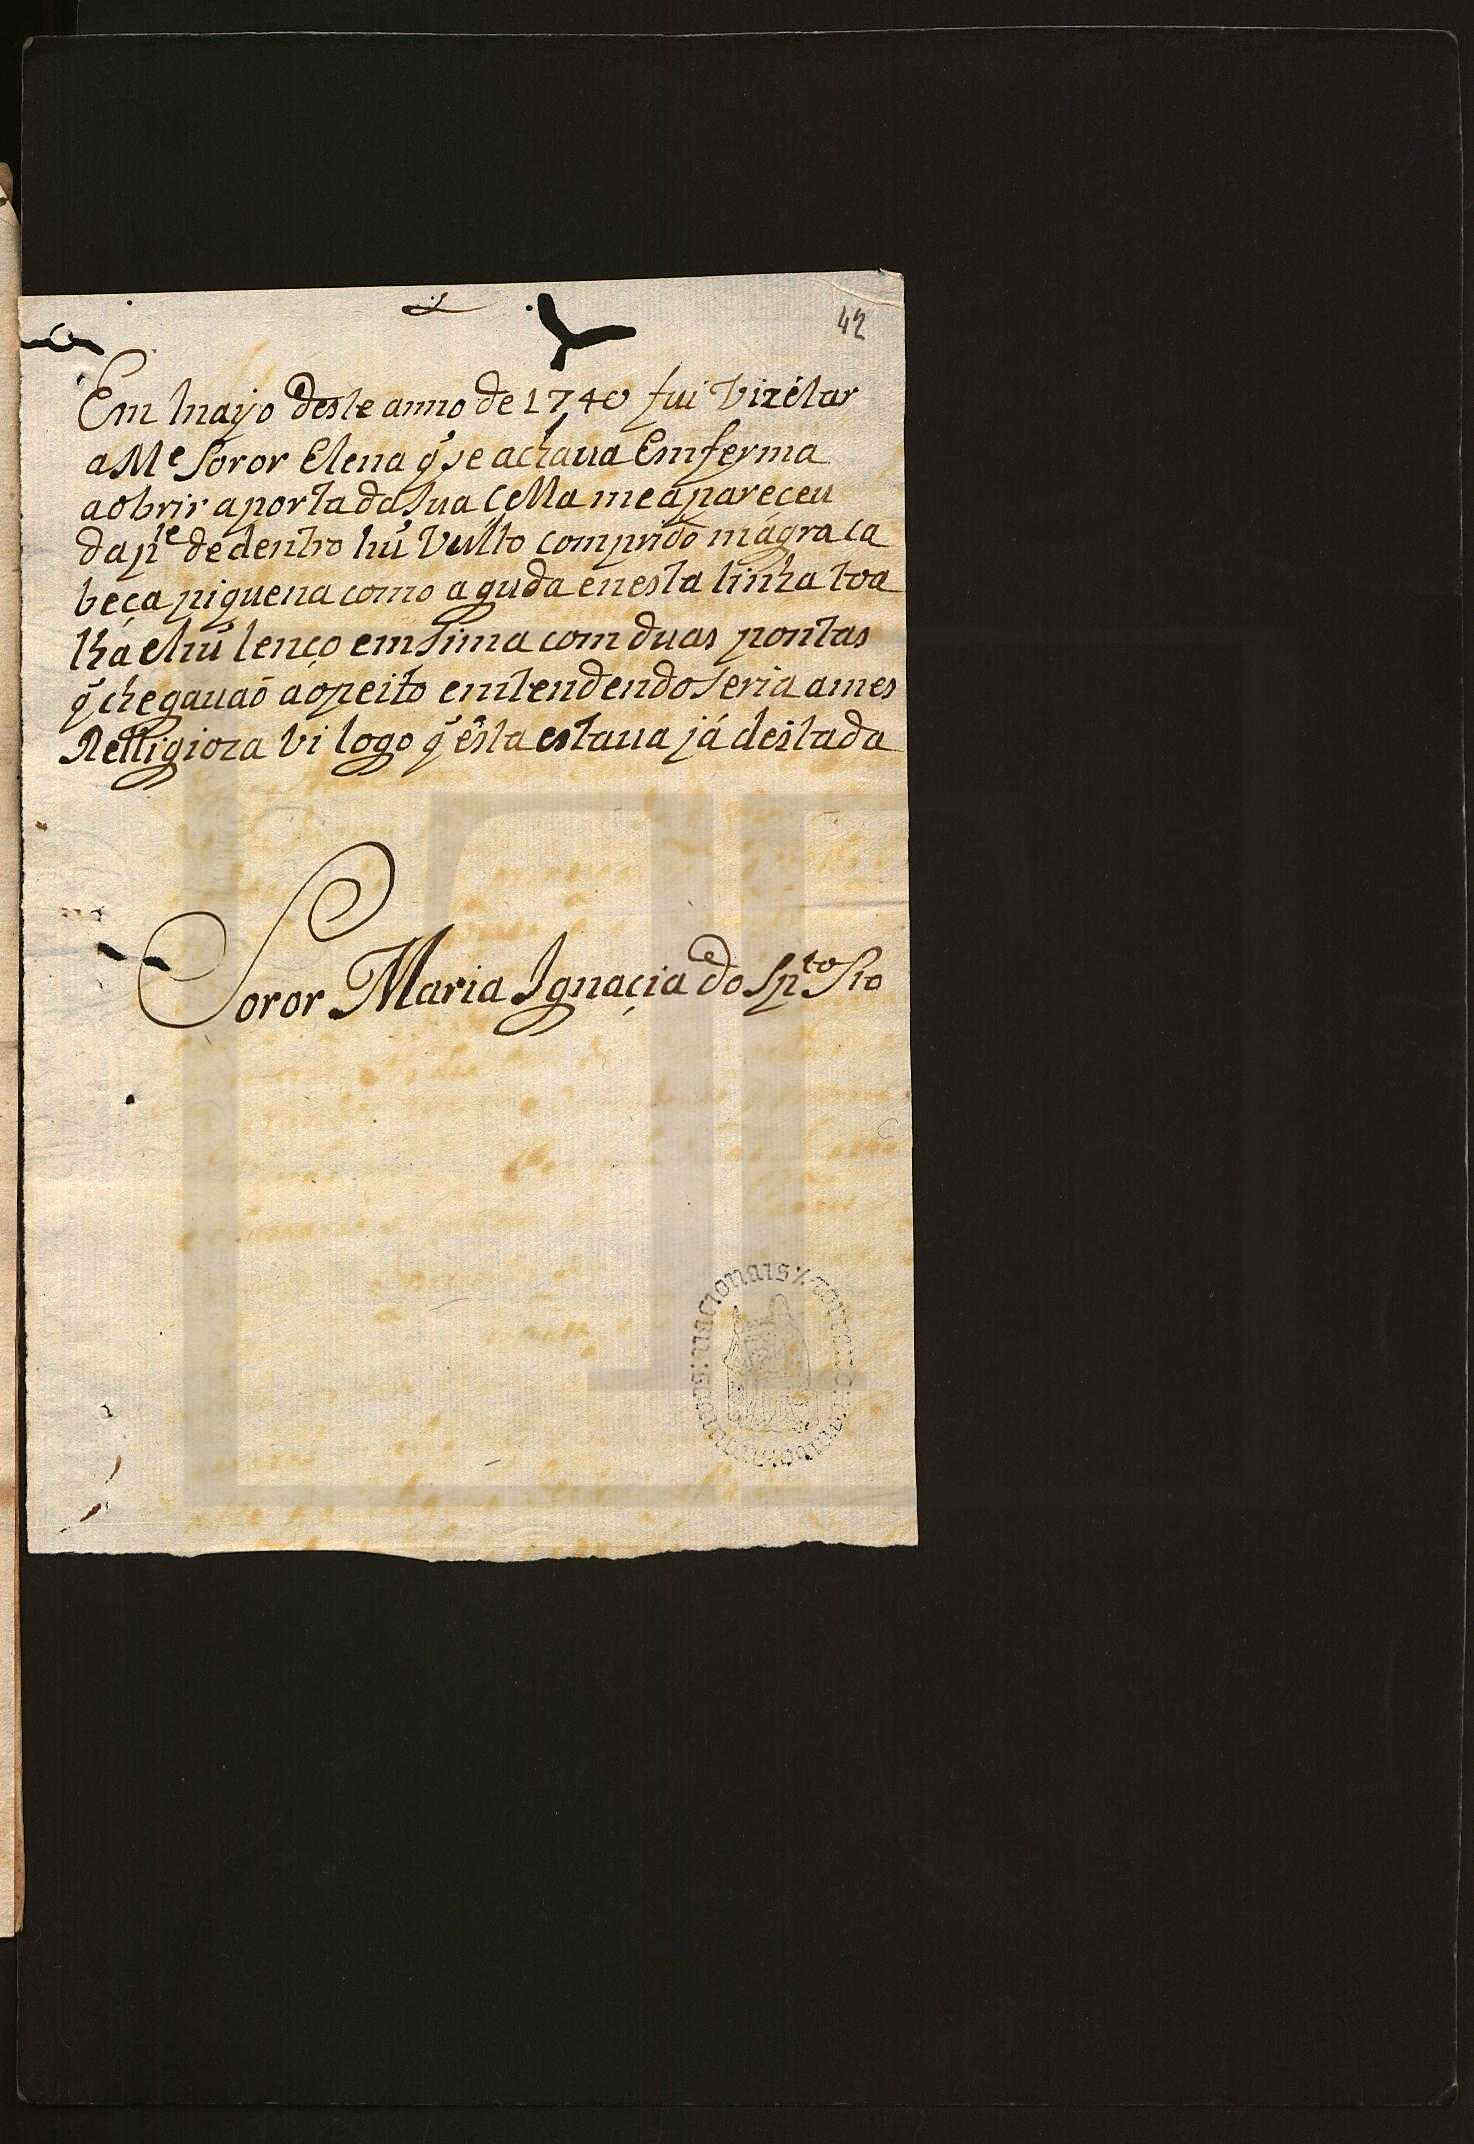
Em mayo deste anno de 1740 fui vizitar
a Me Soror Elena q̄ se achava Emferma
aobrir a porta da sua cella me apareçeu
da pte de dentro hū vulto comprido mágra ca
beça piquena como aguda e nesta tinha toa
lha e hū lenço em sima com duas pontas
q̄ chegauaõ ao peito emtendendo seria a mes
Relligioza vi logo q̄ esta estaua já deitada
Soror Maria Ignaçia do Spto Sto
